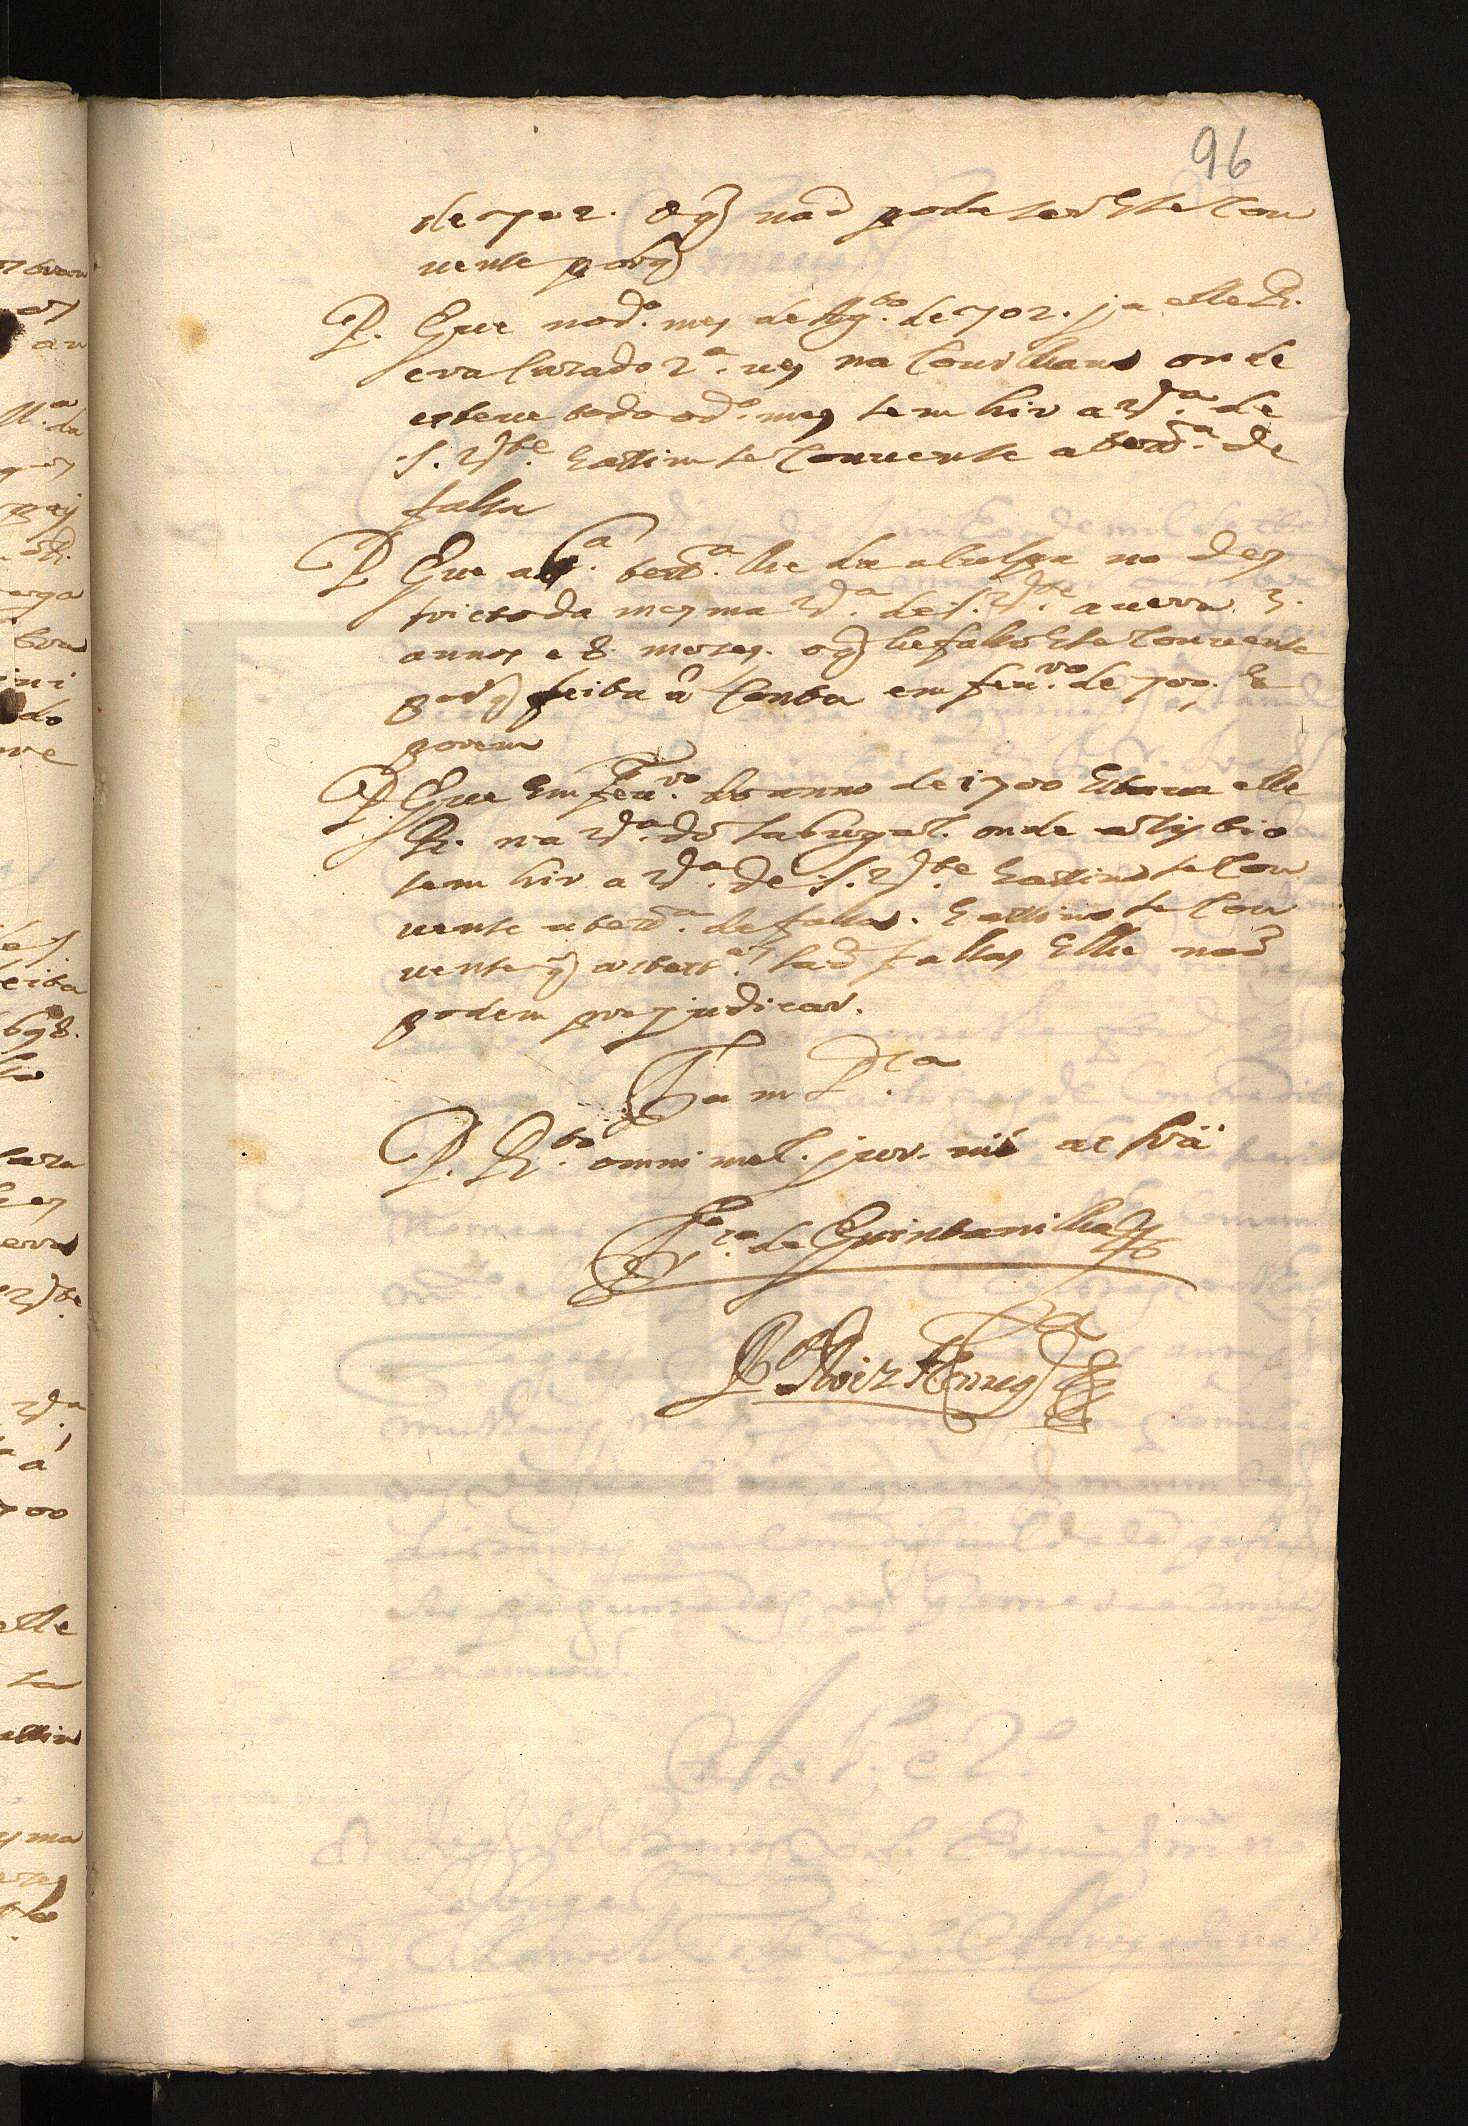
de 702. o q̄ naõ pode ser Ele con
uense porq̄
P. Que no d.o mes de Agto de 702. ja elle Reo
era Cazado 2a ues na Couilham onde
esteue todo o d.o mes sem hir a V.a de
s. Vt.e E asim se Conuense a test.a de
falsa
P Que a d.a test.a lhe de a Culpa no des
tricto da mesma V.a de S. V.te auera 3.
annos e 8 mezes. o q̄ he falso E se conuense
porq̄ feita â Conta em feu.ro de 700; E
porem
P Que Em feu.ro do anno de i700 Estaua elle
R. na V.a do sabugal onde asistio
sem hir a V.a de S. V.te E assim se Con
uense a test.a de falsa. E assim se Con
uense q̄ as test.as saõ falsas E lhe naõ
podem prejudicar.
Tam P.ca
P. R.to omni mel. jur. mō ac frā
Frc.o da Quintanilha
P.o Roiz Henriq̄
